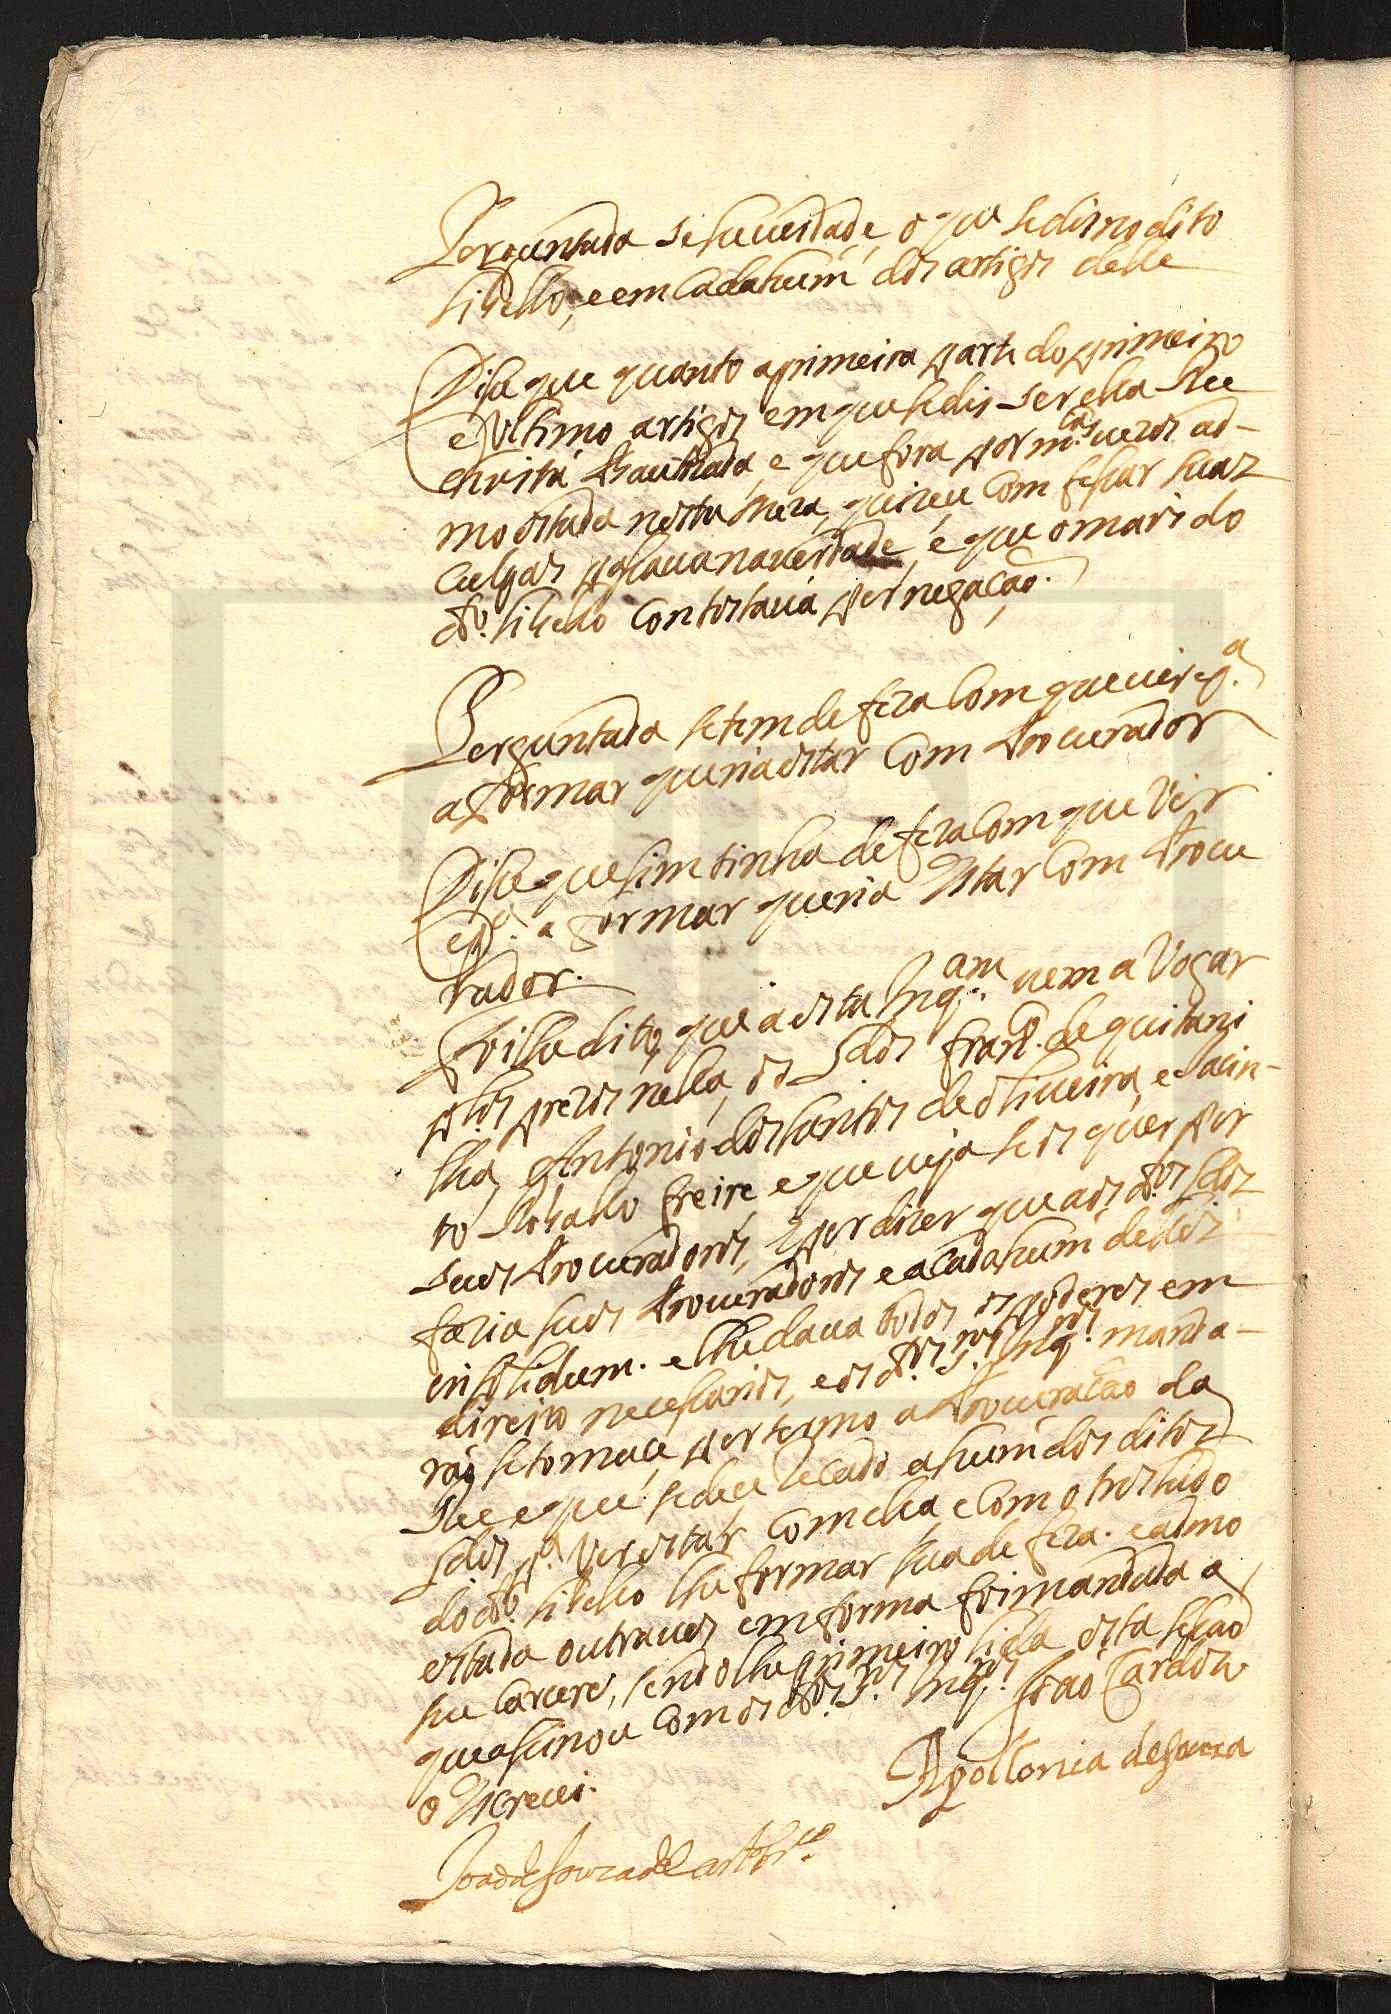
Perguntada se he uerdade, o que se dis no dito
libello, e em cada hum dos artigos delle
Disse que quanto a primeira parte do primeiro
e Vltimo artigos em que se dis ser ella Ree
christã Bautizada, e que fora por m.tas uezes ad
moestada nesta Meza, quizece comfessar suaz
culpas passaua na uerdade, e que o mais do
d̄o. libello contestaua por negaçaõ.
Perguntada se tem defeza com que uir p.a
a formar, queria estar com Procurador
Disse que sim tinha defeza com que vir
e p.a a formar queria Estar com Procu
rador.
Foilhe dito, que a esta Inq.am uem aVogar
p.los prezos nella, os Ld.os fran.co de quitani
lha, Antonio dos santos de oliueira, e Iacin
to Robalo freire, e que ueja se os quer por
seus Procuradores, e por dizer, que aos d̄.os L.dos
fazia seus Procuradores e a cada hum delles
in solidum. e lhe daua todos os poderes em
direito necessarios, e os d̄.os s.res Jnqres. manda
raõ se tomaçe por termo a Procuraçaõ da
Ree e que se deçe Recado a hum dos ditos
Ld.os p.a ver estar com ella, e com o treslado
do d̄o. libello lhe formar sua defeza. e admo
estada outra ues em forma foi mandada a
seu carcere, sendolhe primeiro lida esta sessaõ
que assinou com os d̄.os s.res Inq.res Joaõ Cardozo
Apollonia de souza
o Escreui.
Joaõ de souza d̄ casto brc.o
